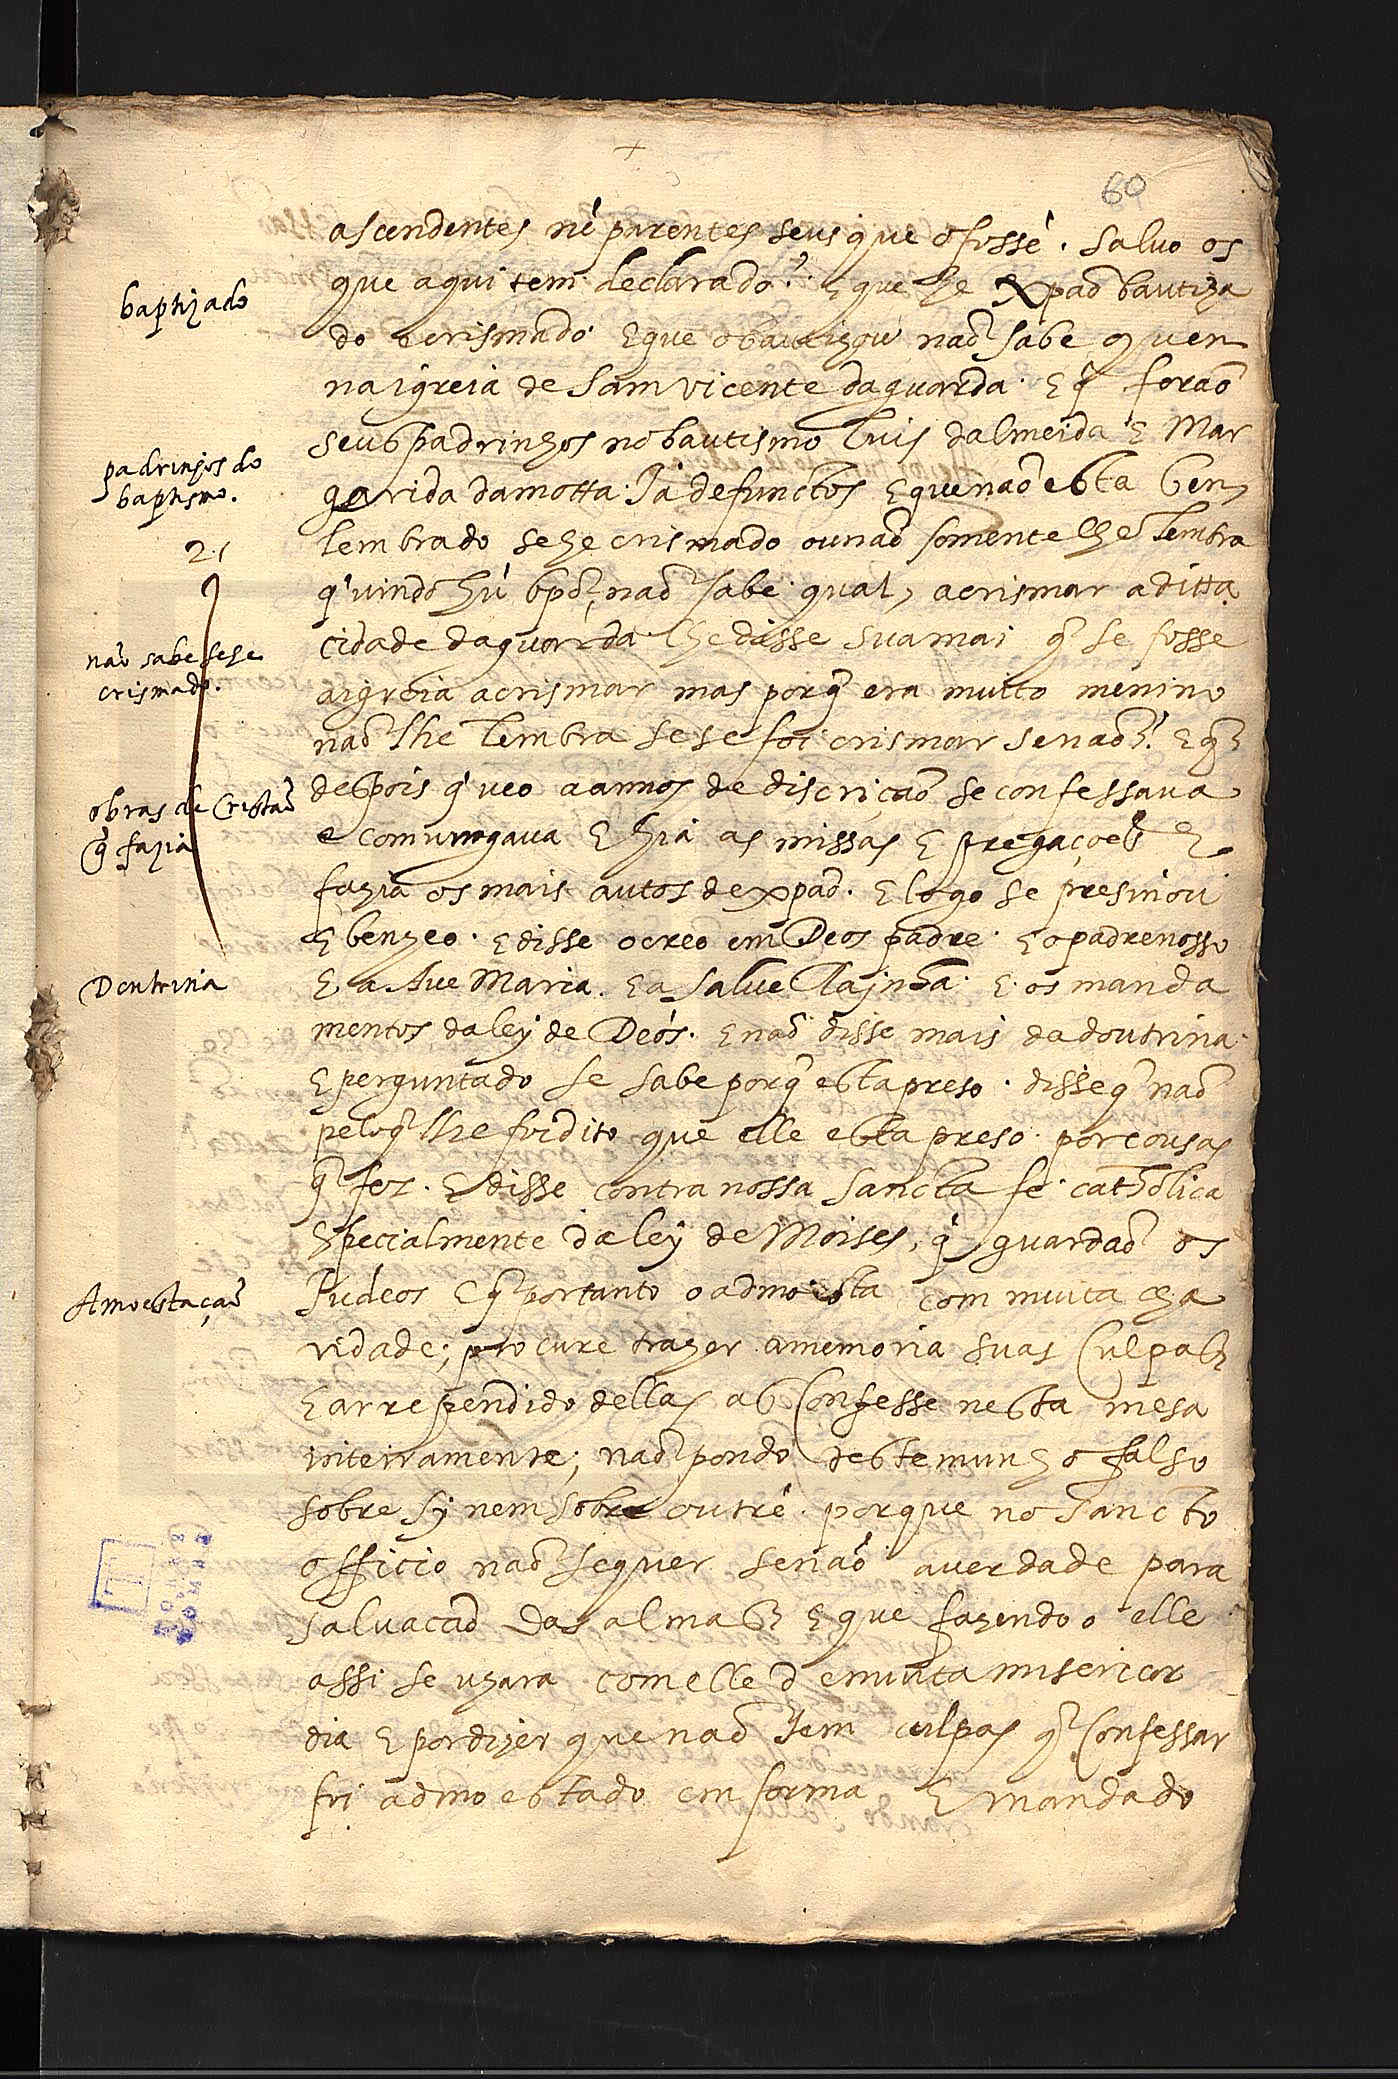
ascendentes nē parentes seu que o fossē. saluo os
que aqui tem declarado⹎ E que he xpaõ bautiza
do e crismado. E que o bautizou naõ sabe quem
na igreia de sam vicente da guarda. E q̄ foraõ
seus padrinhos no bautismo luis dalmeida E Mar
garida da motta. Ia defunctos E que naõ esta bem
lembrado se he crismado ou naõ somente lhe lembra
q̄ uindo hū bpō, naõ sabe qual, a crismar a ditta
cidade da guarda lhe disse sua mai q̄ se fosse
a igreia a crismar mas porq̄ era muito menino
naõ lhe lembra se se foi crismar se naõ⹎ E q̄
despois q̄ ueo a annos de discriçaõ se confessaua
e comumgaua E hia as missas E pregaçoẽs E
fazia os mais autos de xpaõ. E logo se presinou
E benzeo. E disse o creo em Deos padre. E o padre nosso
E a Aue Maria, E a Salue Rajnha E os manda
mentos da ley de Deōs. E naõ disse mais da doutrina.
E perguntado se sabe por q̄ esta preso. disse q̄ naõ
pelo q̄ lhe foi dito que elle esta preso por cousas
q̄ fez. E disse contra nossa Sancta fe catholica
specialmente da ley de Moises, q̄ guardaõ os
Iudeus E q̄ portanto o admoesta com muita cha
ridade; procure trazer a memoria suas Culpas
E arrependido dellas as Confesse nesta mesa
inteiramente; naõ pondo testemunho falso
sobre sy nem sobre outrē porque no sancto
officio naõ se quer senaõ a uerdade para
saluacaõ das almas E que fazendo o elle
assi se usara com elle de muita misericor
dia E por dizer que naõ tem culpas q̄ Confessar
foi admoestado em forma E mandado
